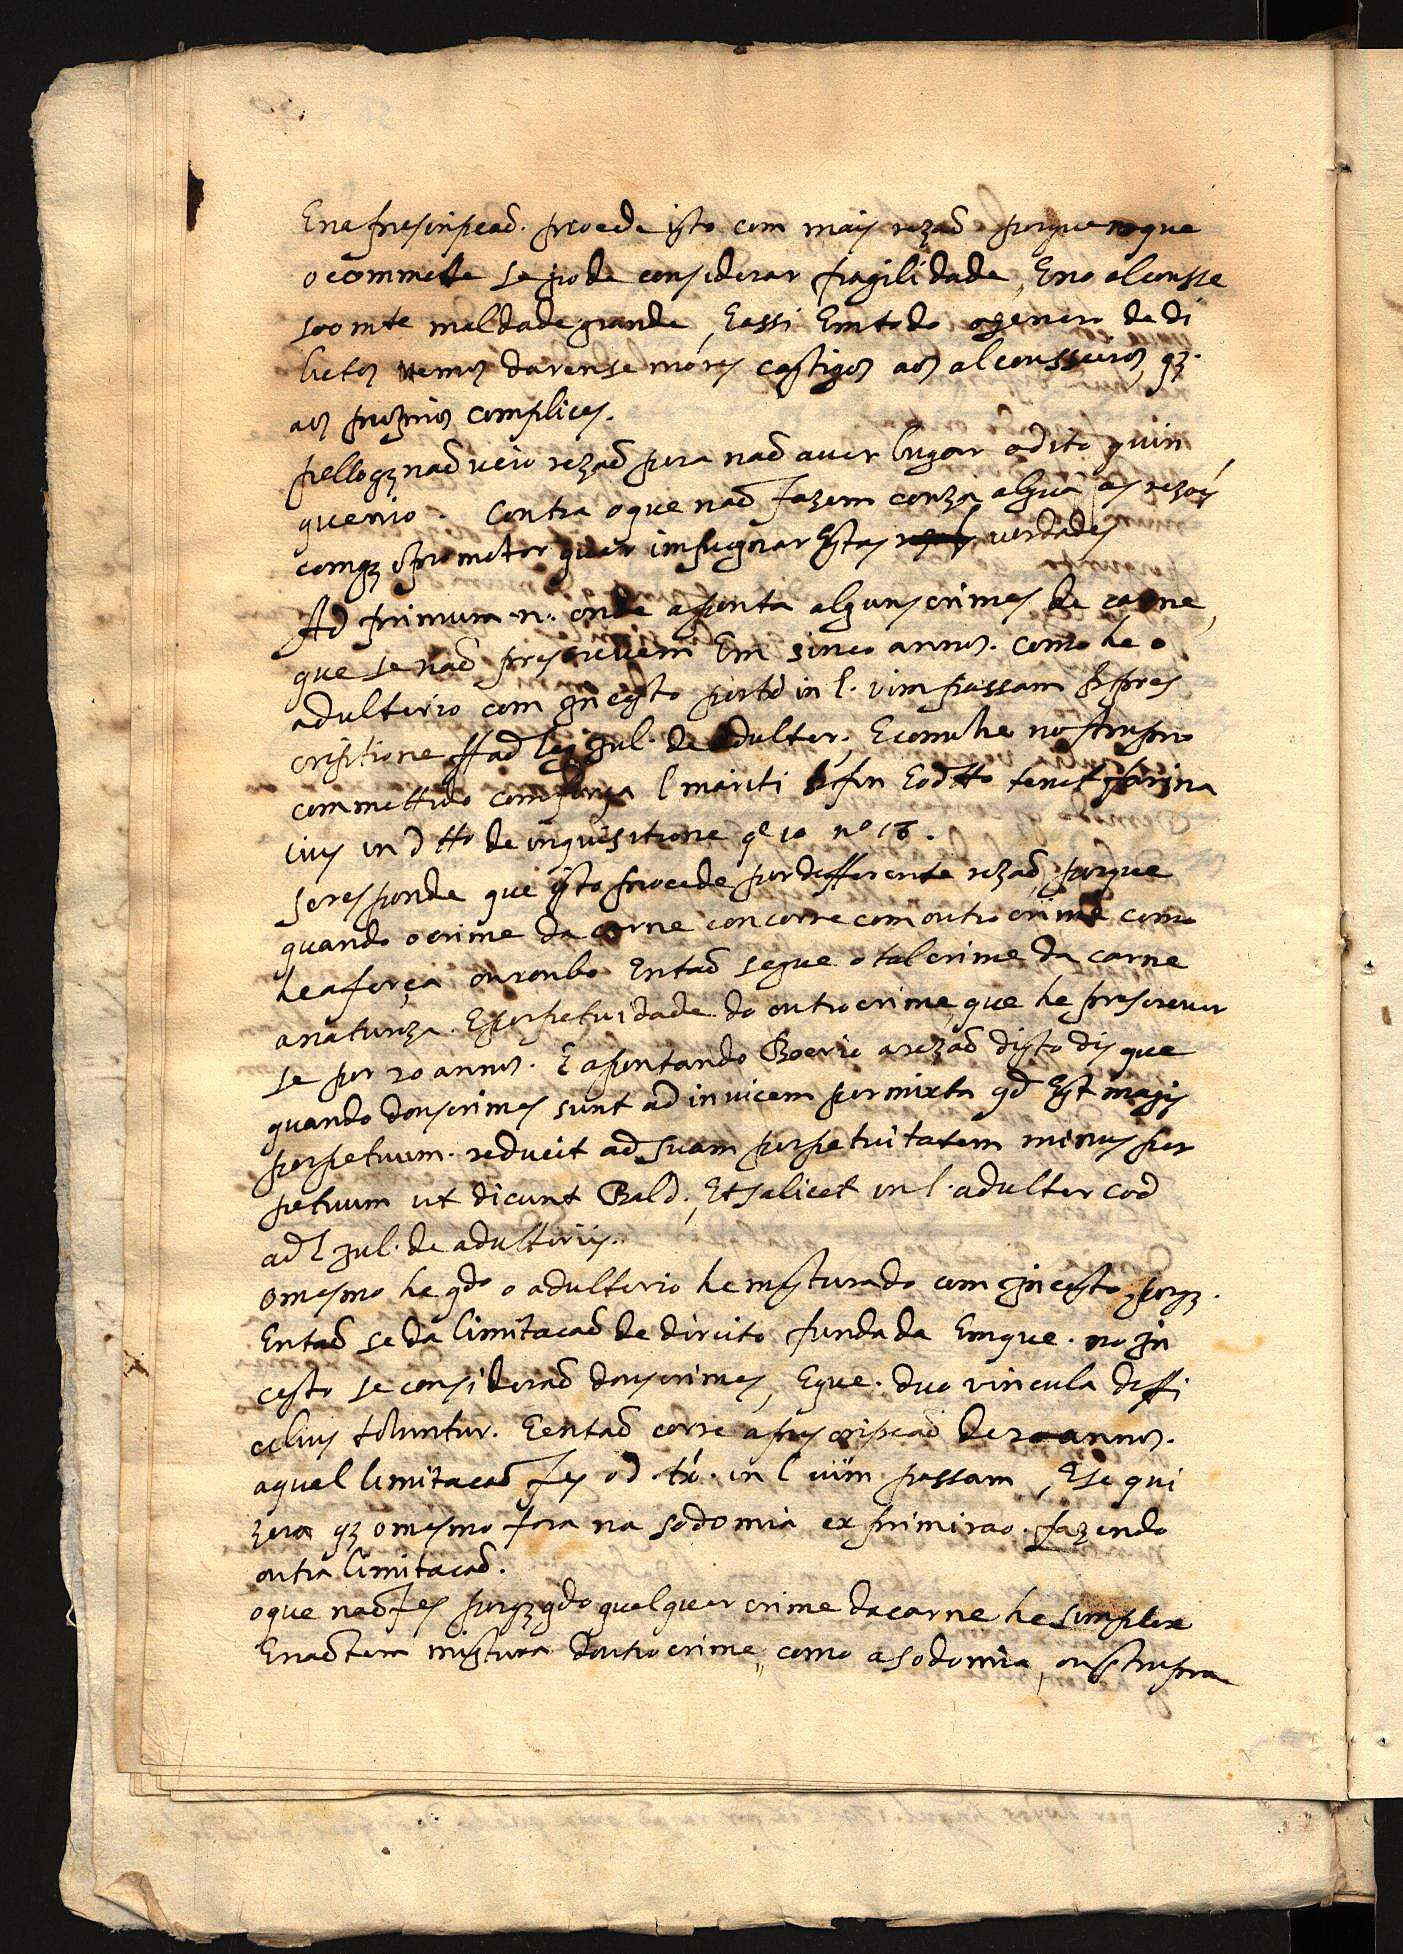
E na presinpçaõ pode isto com mais rezaõ porque no que
o commette se pode considerar fragilidade, E no alcansse
soomte maldade grande, E assi Em todo o genero de di
lictos nemos darense mores castigos aos alcousseiros, qꝫ.
aos proprios complices.
pello qꝫ naõ ueio rezaõ pera naõ auer lugar o dito quin
quenio contra o que naõ fazem couza alguā as rezoẽs
com qꝫ o promotor quer impugnar Estas _ uerdades
Ad primum n. onde assenta alguns crimes de carne
que se naõ prescreuem Em sinco annos. como he o
adulterio com jncesto partē in l. vim passam p̄pres
crisitione ff ad leg Jul de _dulter, E como he nostru pro
commettido com força l mariti _ fon E o ditto tenet farina
eius in ditto de inquisitione qe 10 no 18.
Se responde que isto procede por differente rezaõ porque
quando o crime da carne concorre com outro crime como
he a força ou roubo Entaõ segue o tal crime da carne
a natureza E perpetuidade do outro crime, que he prescreuer
se por 20 annos. E apontando Boeric a rezaõ disto dis que
quando dous crimes sunt ad inuicem per mixta qd Est magis
perpetuum reducit ad suam perpetuitatem minus per
petuum ut dicunt Bald. Et salicet in l. adulter com
ad l Jul. de adulterius.
o mesmo he q.do o adulterio he misturado com Jncesto, porqꝫ
Entaõ se da limitaçaõ de direito fundada Em que no Jn
cesto se consideraõ dous crimes, E que duo vincula deffi
celius toluntur. E entaõ corre a prescripçaõ de 20 annos.
a qual limitaçaõ fes o d. tr̄. in l uim passam, E se qui
zera qꝫ o mesmo fora na sodomia exprimirao fazendo
outra limitaçaõ.
o que naõ fes perqꝫ qdo qualquer crime da carne he simplex
E naõ tem mistura doutro crime, como a sodomia, ou strupra
